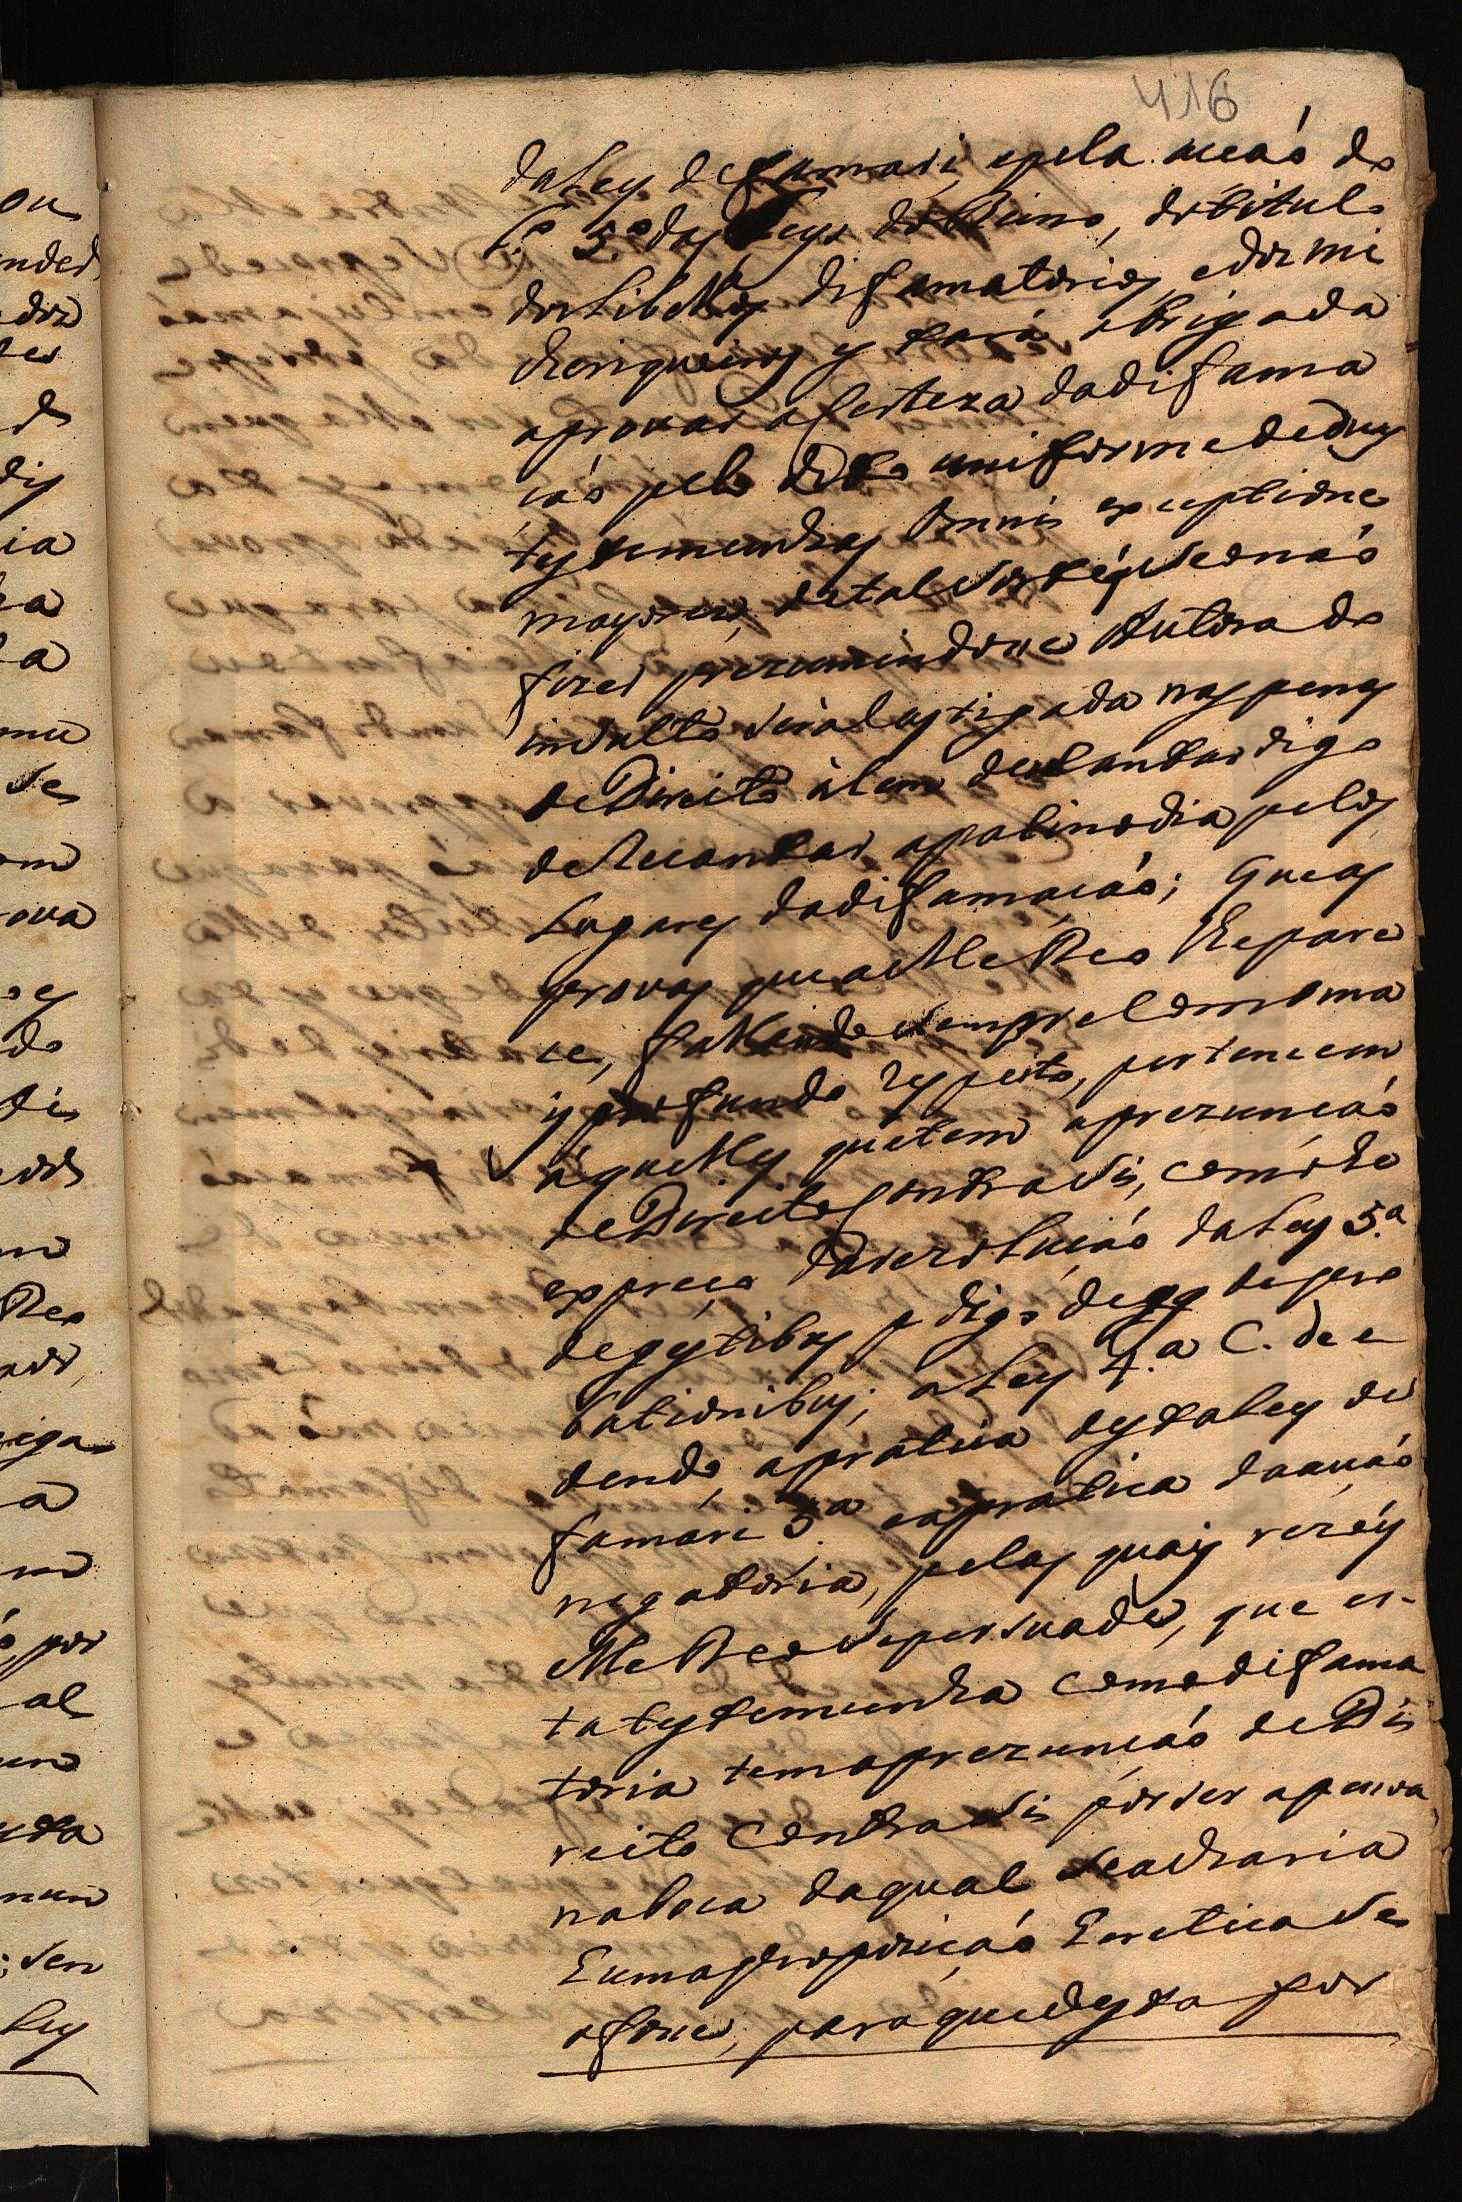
da Ley defamari, e pela acçaõ do
L.o 5o das Leys do Reino, do titulo
dos Libellos difamatorios, e doz mi
cheriqueiros estará obrigada
a provar a Certeza da difama
çaõ pelo dito uniforme de duas
testemunhas Omnis exceptione
mayorez, de tal sorte q̄ se o naõ
fizer prezumindosse Autora do
imsulto seria Castigada nas penas
de Direito àlem de Cantar digo
de Recantar a paci no dia pelos
Lugares da difamaçaõ; Que as
provas que a elle Reo lhe pare
ce, fallando sempre com o ma
is profundo respeito, pertencem
àquelles que tem a prezunçaõ
de Direito Contra Si, como he
expreço Para resoluçaõ da Ley 5.a
de gestibus p digo degg de pro
bationibus; a Ley 4.a C. de e
dendo, a pratica desta ley de
famari 3.a e a pratica da acçaõ
negatória, pelas quais rezoẽs
elle Reo se persuade, que es
ta testemunha com a difama
toria tem a presunçaõ de Di
reito contra si por ser a pessoa,
na boca da qual se acharia
huma propoziçaõ heretica Se
a fosse; para que desta for
